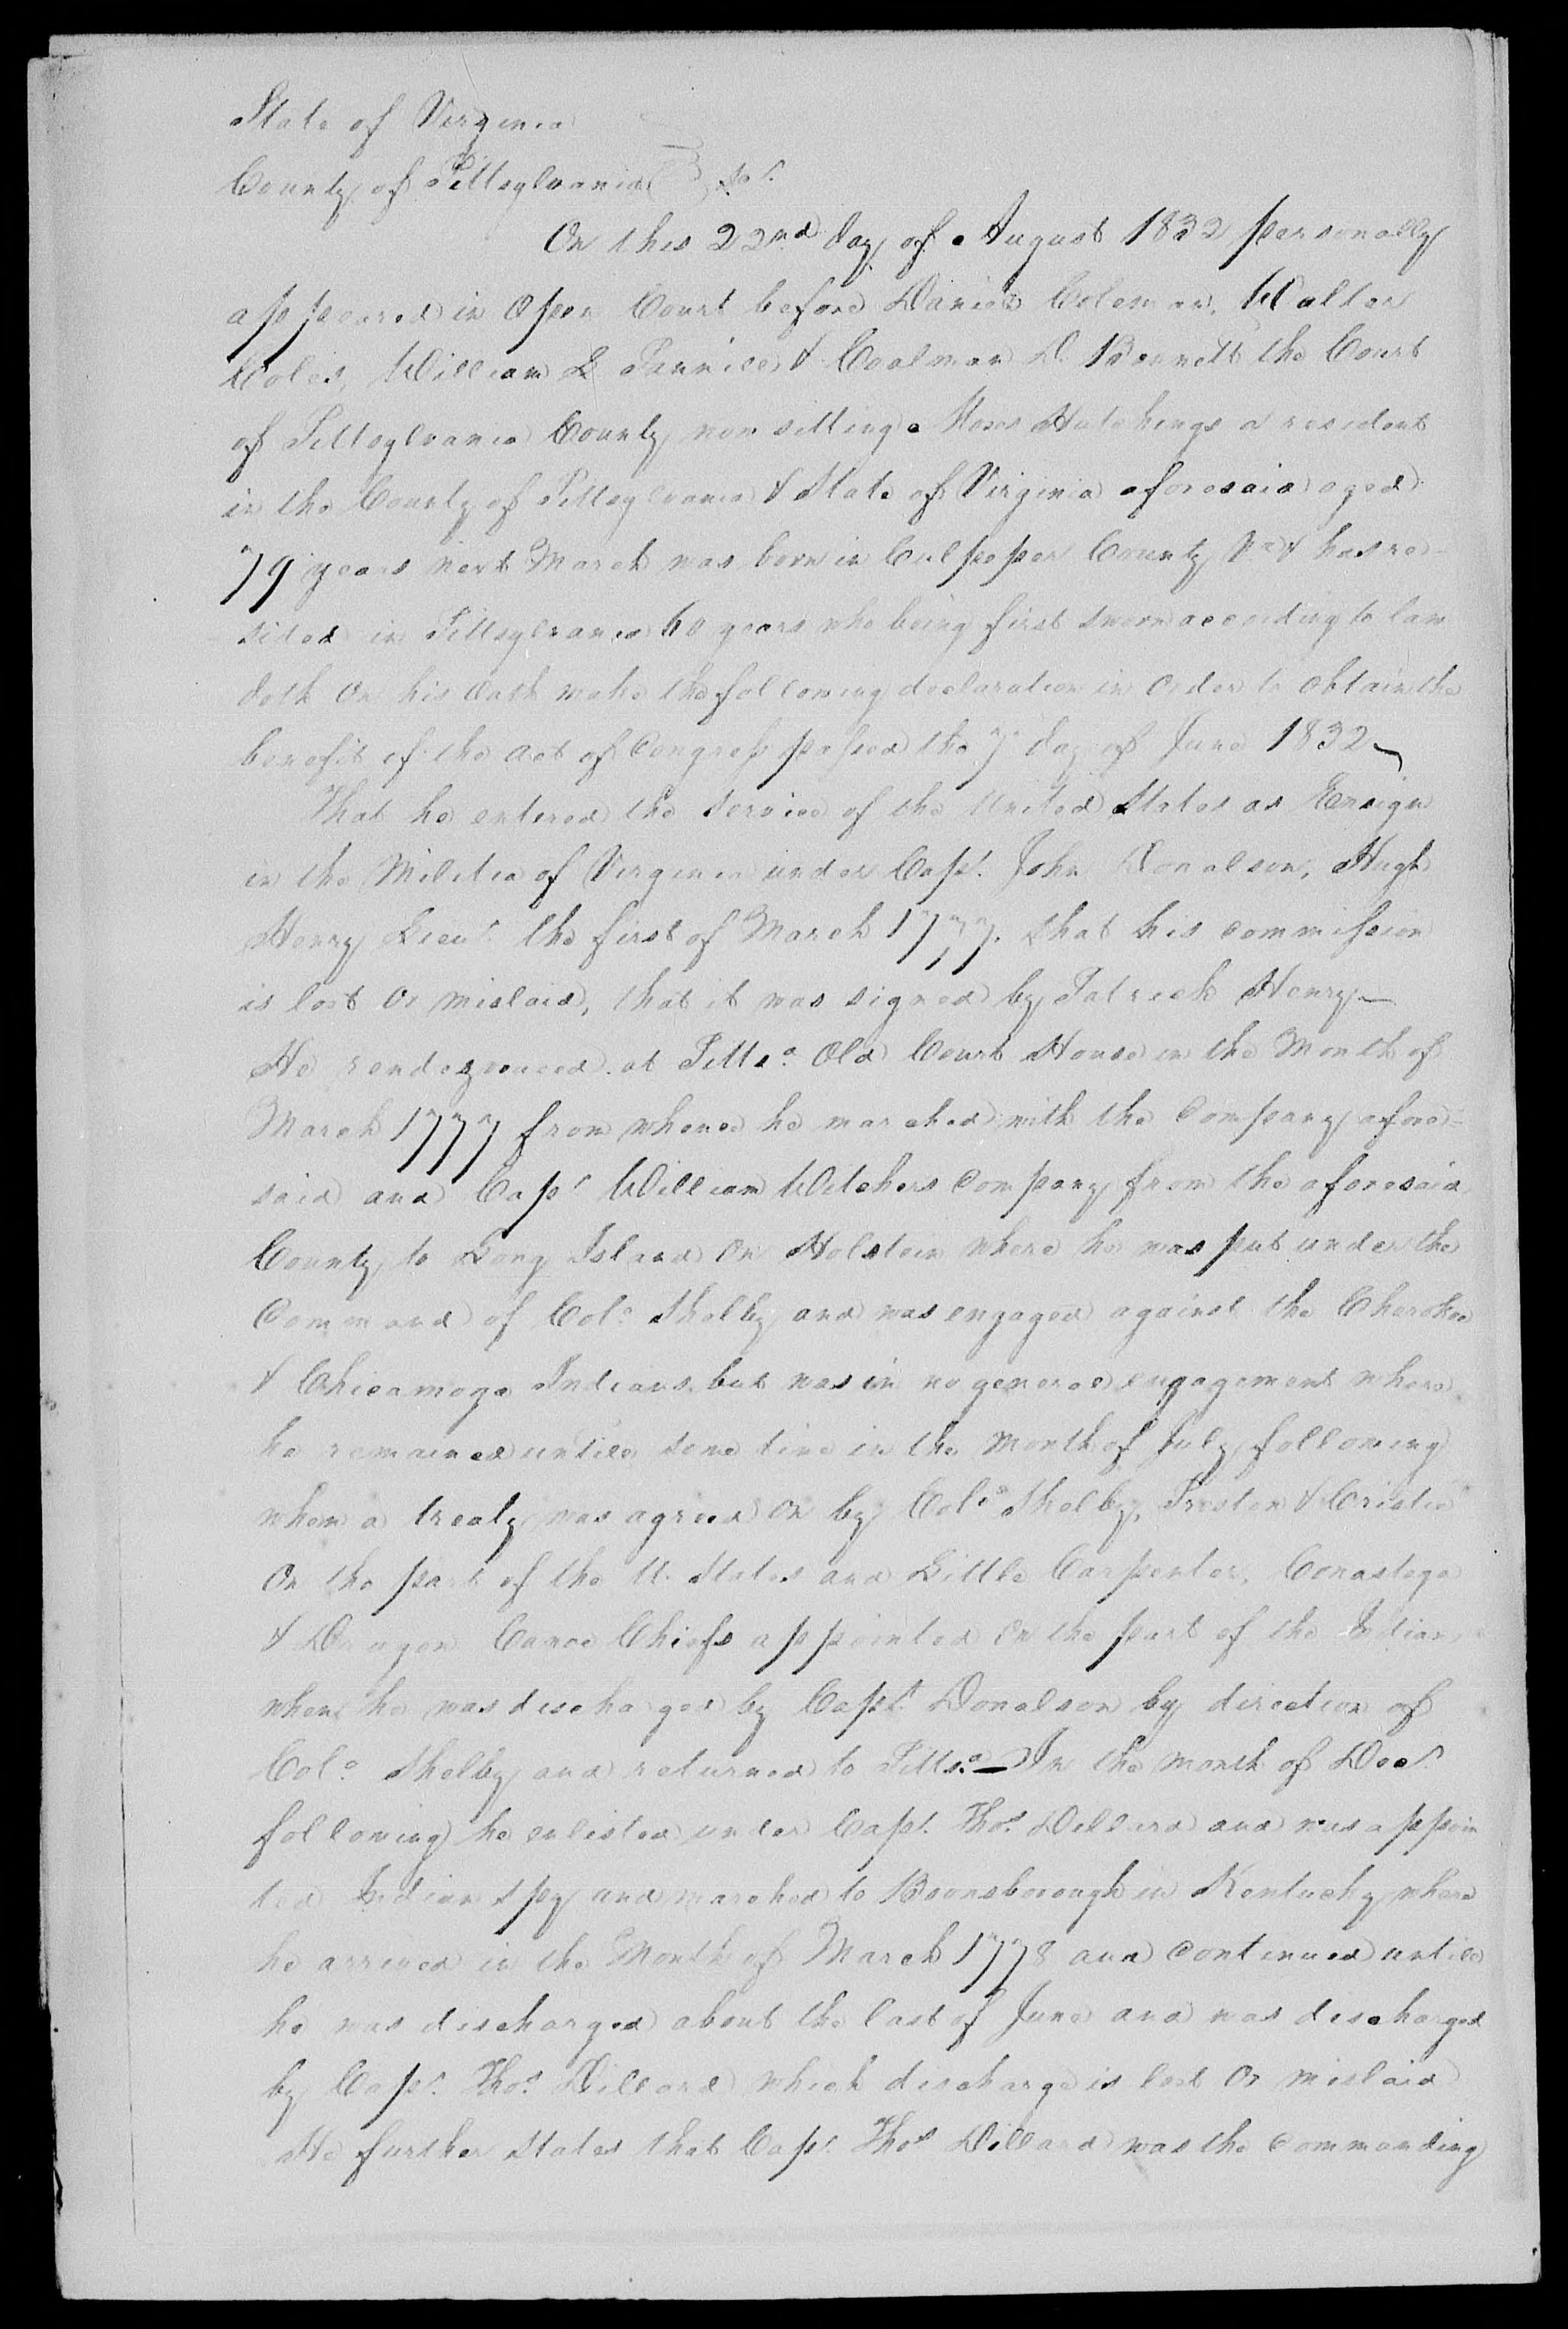State of Virginia }
County of Pittsylvania } Sct. 
On this 22nd day of August 1832 personally appeared in open Court before Daniel Coleman, Walter Coles, William G Pannill & Coalman D. Bennett the Court of Pittsylvania County now sitting Moses Hutchings a resident in the County of Pittsylvania & State of Virginia aforesaid aged 79 years next March was born in Culpeper County Va. & has resided in Pittsylvania 60 years who being first sworn according to law doth on his Oath make the following declaration in order to obtain the benefit of the Act of Congress passed the 7th day of June 1832.
That he entered the service of the United States an Ensign in the Militia of Virginia under Capt. John Donalson [Donelson], Hugh Henry Lieut. the first of March 1777, that his commission is lost or mislaid, that it was signed by Patrick Henry. He rendezvoused at Pitts’a. [Pittsylvania] Old Court House in the month of March 1777 from whence he marched with the Company aforesaid and Capt. William Witcher’s Company from the aforesaid County to Long Island on Holstein [sic: Holston River at present Kingsport TN] where he was put under the Command of Colo. [Evan] Shelby and was engaged against the Cherokee & Chicamaga [sic: Chickamauga band of Cherokee] Indians but was in no general engagement where he remained untill [until] some time in the month of July following when a treaty [sic: Treaty of Long Island, 20 June 1777] was agreed on by Colos. [Colonel's] Shelby, [William] Preston & Christie [William Christian] on the part of the U. States and Little Carpenter, Conestoga [sic: Oconostoto] & Dragon Canoe [sic: Dragging Canoe] Chiefs appointed on the part of the Indians when he was discharged by Capt. Donalson by direction of Colo. Shelby and returned to Pitts’a [Pittsylvania]. In the month of Decr. [December] following he enlisted under Capt. Thos. Dillard [Thomas Dillard] and was appointed Indian Spy and marched to Boonsborough [Boonesborough] in Kentucky where he arrived in the month of March 1778 and continued untill [until] he was discharged about the last of June and was discharged by Capt. Thos. Dillard which discharge is lost or mislaid. 
He further states that Capt. Thos. Dillard was the commanding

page: 4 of 18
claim: survivor's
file: S. 8742, for Moses Hutchings, Virginia